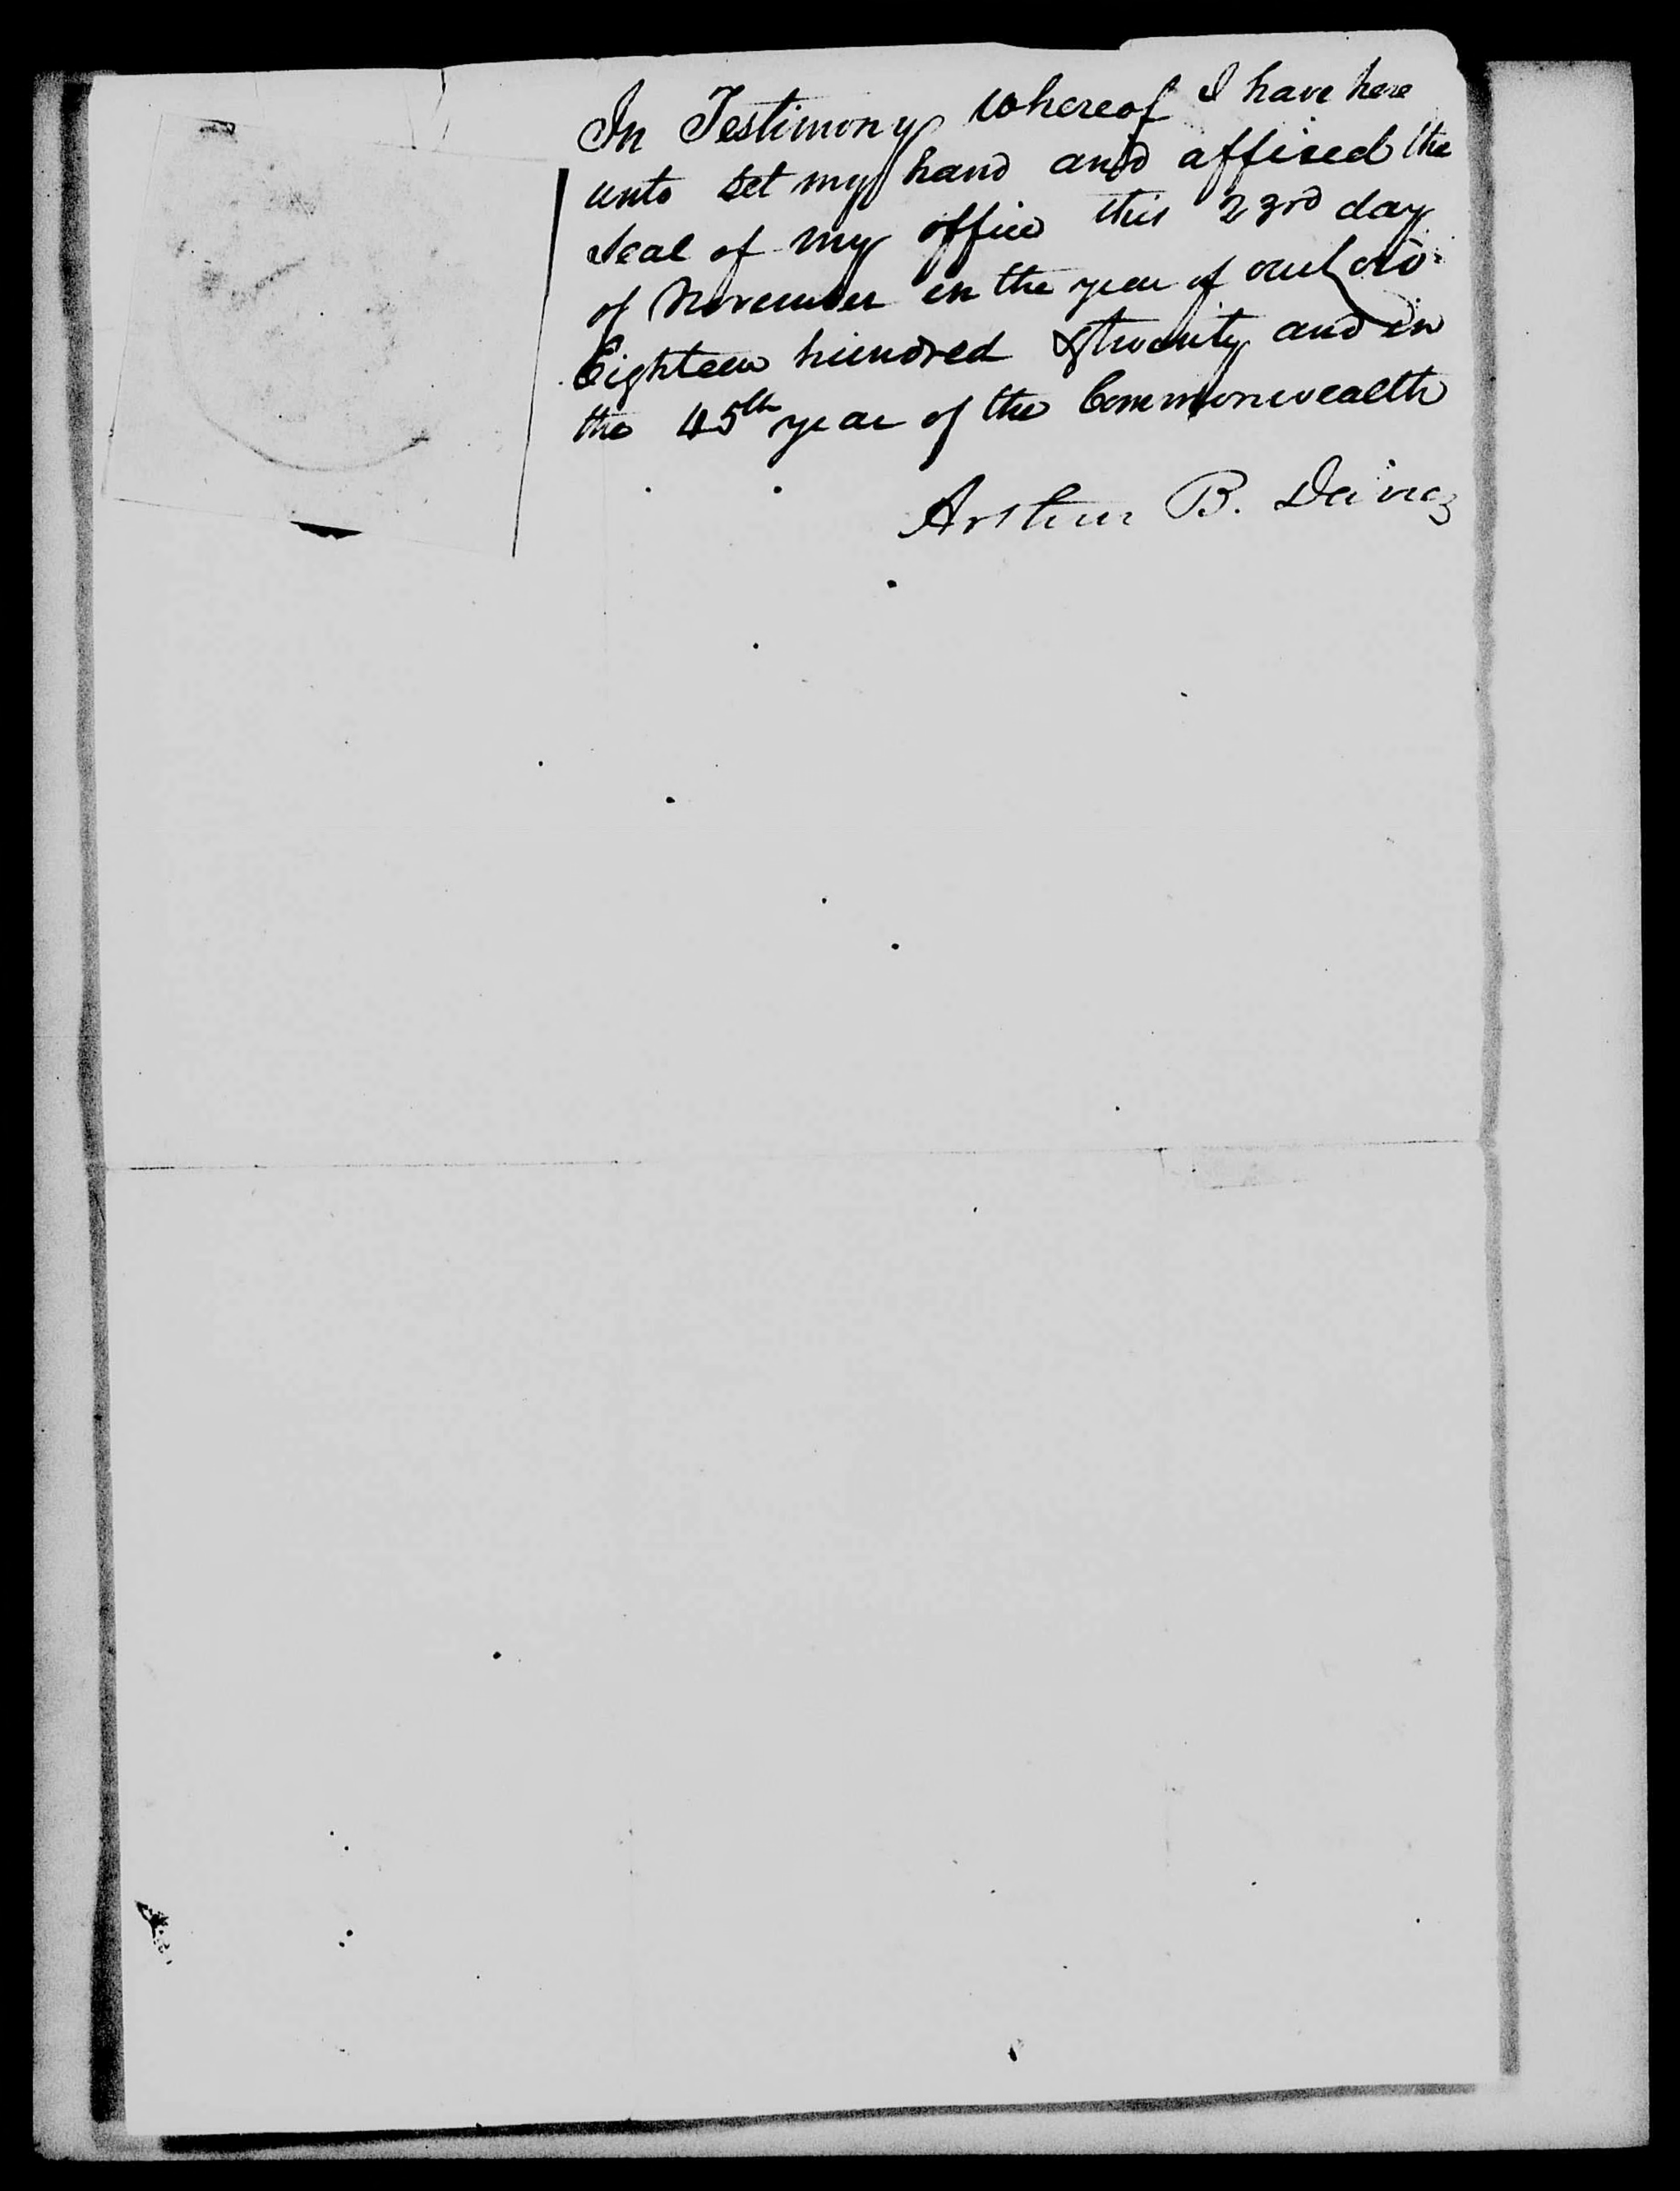In Testimony whereof I have hereunto set my hand and affixed the seal of my office this 23ʳᵈ day of November in the year of our Lord Eighteen hundred & twenty and in the 45ᵗʰ year of the Commonwealth

Arthur B. Davis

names: Arthur B Davies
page: 22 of 23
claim: survivor's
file: S. 38226, for Archelaus Mitchell, Virginia